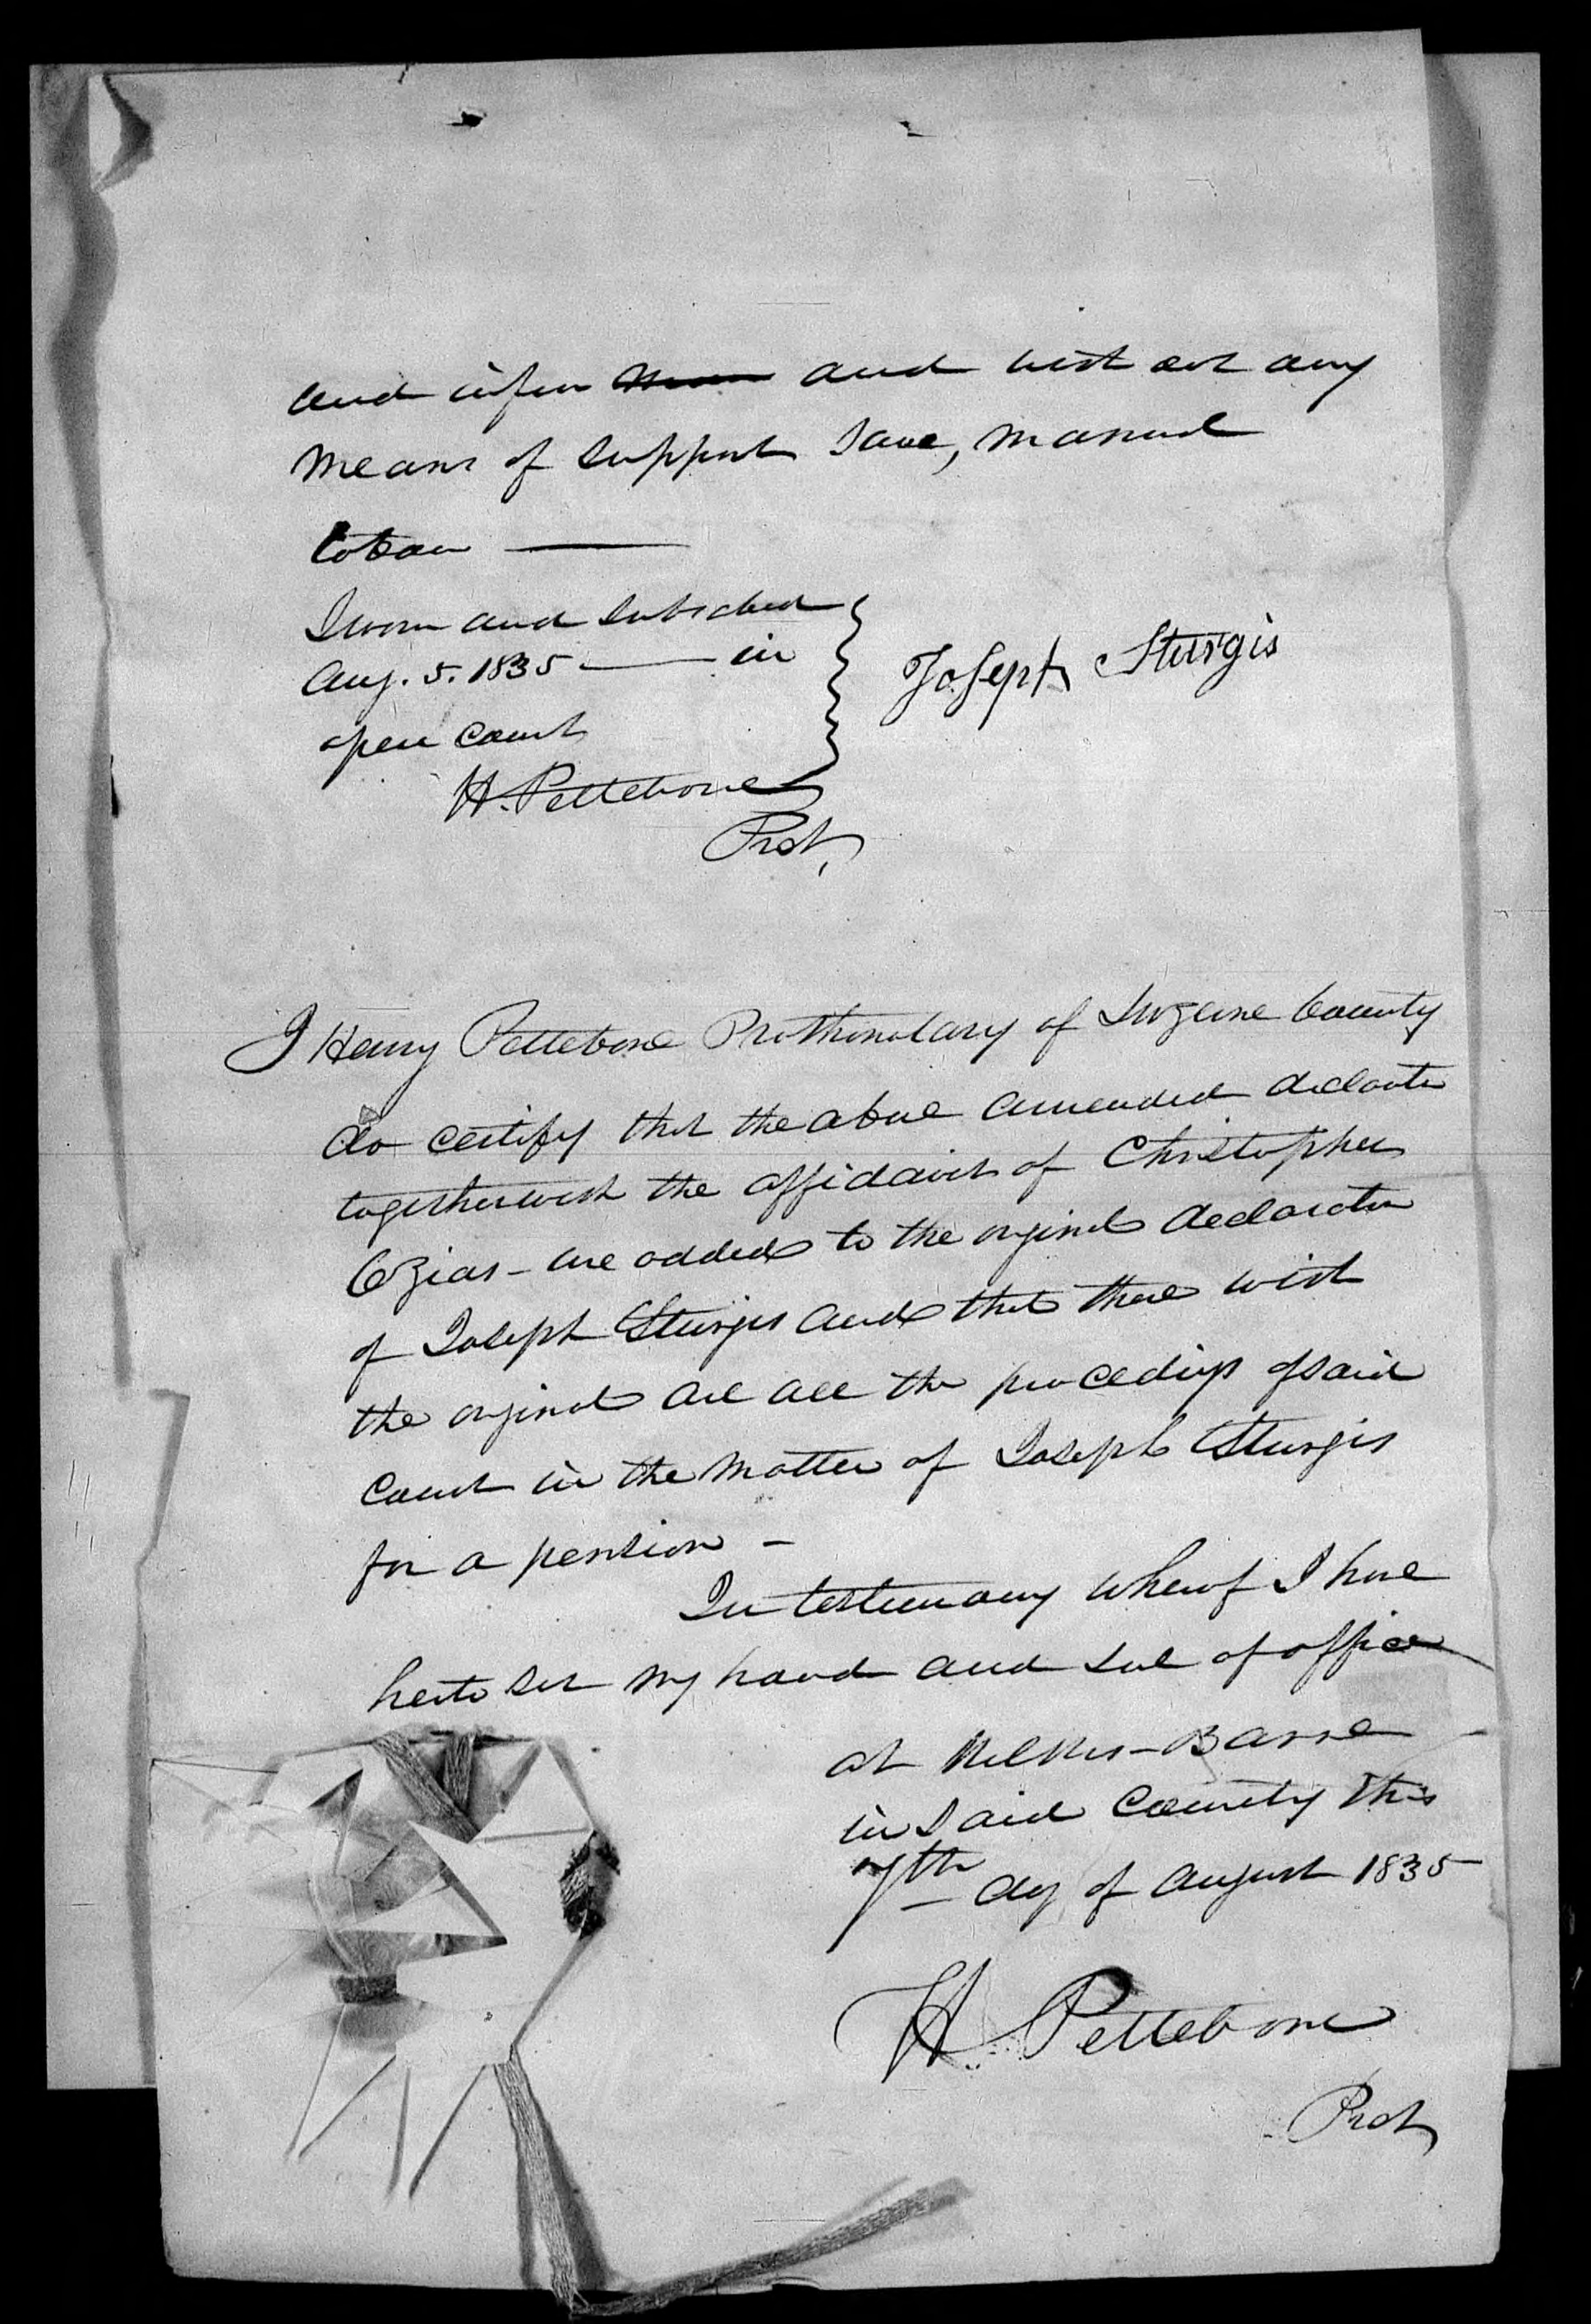and infirm and without any means of support save Manuel Labor              
Joseph Sturgis
Sworn and subscribed Aug. 5, 1835 - in open Court }    
H. Pettibone Prot, 
I Henry Pettibone Prothonotary of Luzerne County do certify that the above amended together with the affidavit of Christopher Ozias - we added to the enjoined declaration of Joseph Sturgis and that there with the original are all the procedings of said Court in the matter of Joseph Sturgis for a pension – 
In testimony whereof I have hereto set my hand and seal of office at Wilkes Barre in said County this 7th day of August 1835    
H Pettibone Prot -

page: 16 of 31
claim: survivor's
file: S. 6154, for Joseph Sturgis, Pennsylvania